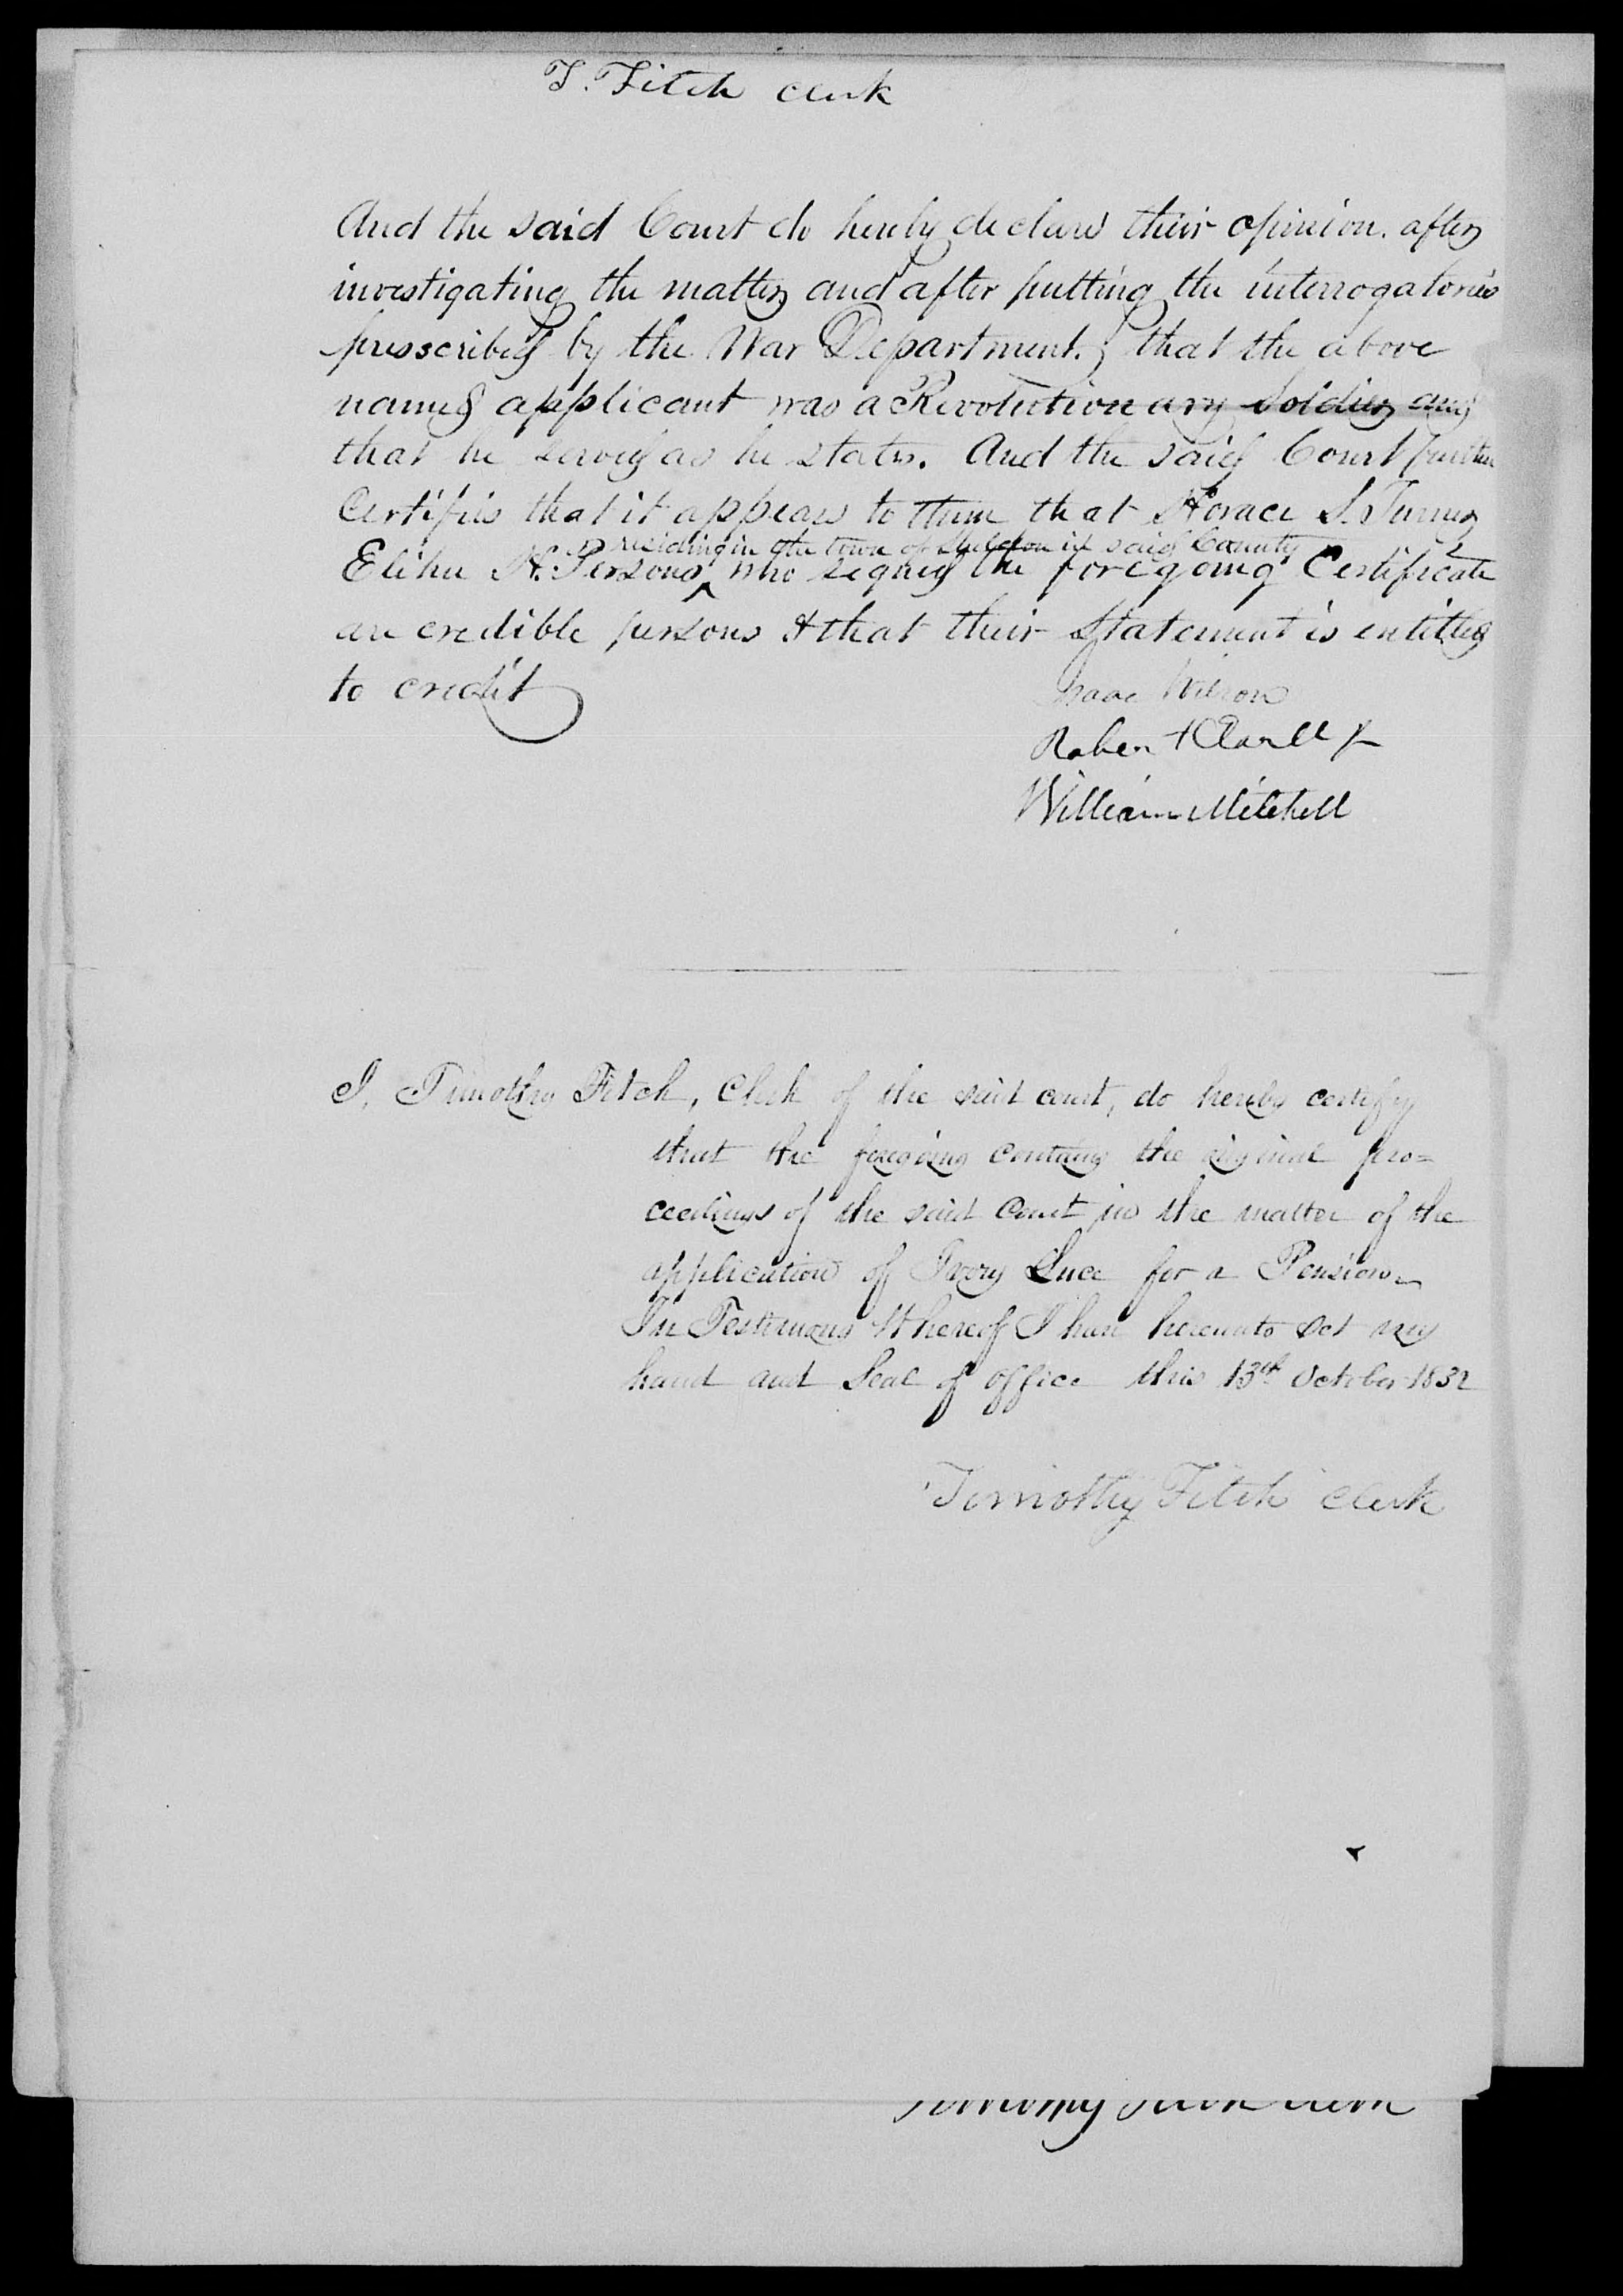[signed]
T. Fitch Clerk

And the said Court do hereby declare their opinion after investigating the matter and after putting the interrogatories prescribed by the War Department, that the above named applicant was a Revolutionary Soldier and that he served as he states.  And the said Court further certifies that it appears to them that Horace S. Turner, Elihu H. Persons [inserted]residing in the town of Sheldon in said County[end insertion] who signed the foregoing Certificate are credible persons & that their Statement is entitled to credit

[signed]
Isaac Wilson
Robert Clardy
William Mitchell

I, Timothy Fitch, Clerk of the said court, do hereby certify that the foregoing contains the original proceedings of the said Court in the matter of the application of Ivory Luce for a Pension.  In Testimony Whereof I have hereunto set my hand and Seal of office this 13th October 1832

[signed]
Timothy Fitch Clerk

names: Robert Clardy; Ivory Luce; Horace S Turner; Isaac Wilson; Timothy Fitch; Elihu H Persons; William Mitchell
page: 55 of 70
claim: rejected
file: R. 6510, for Israel Luce, New York